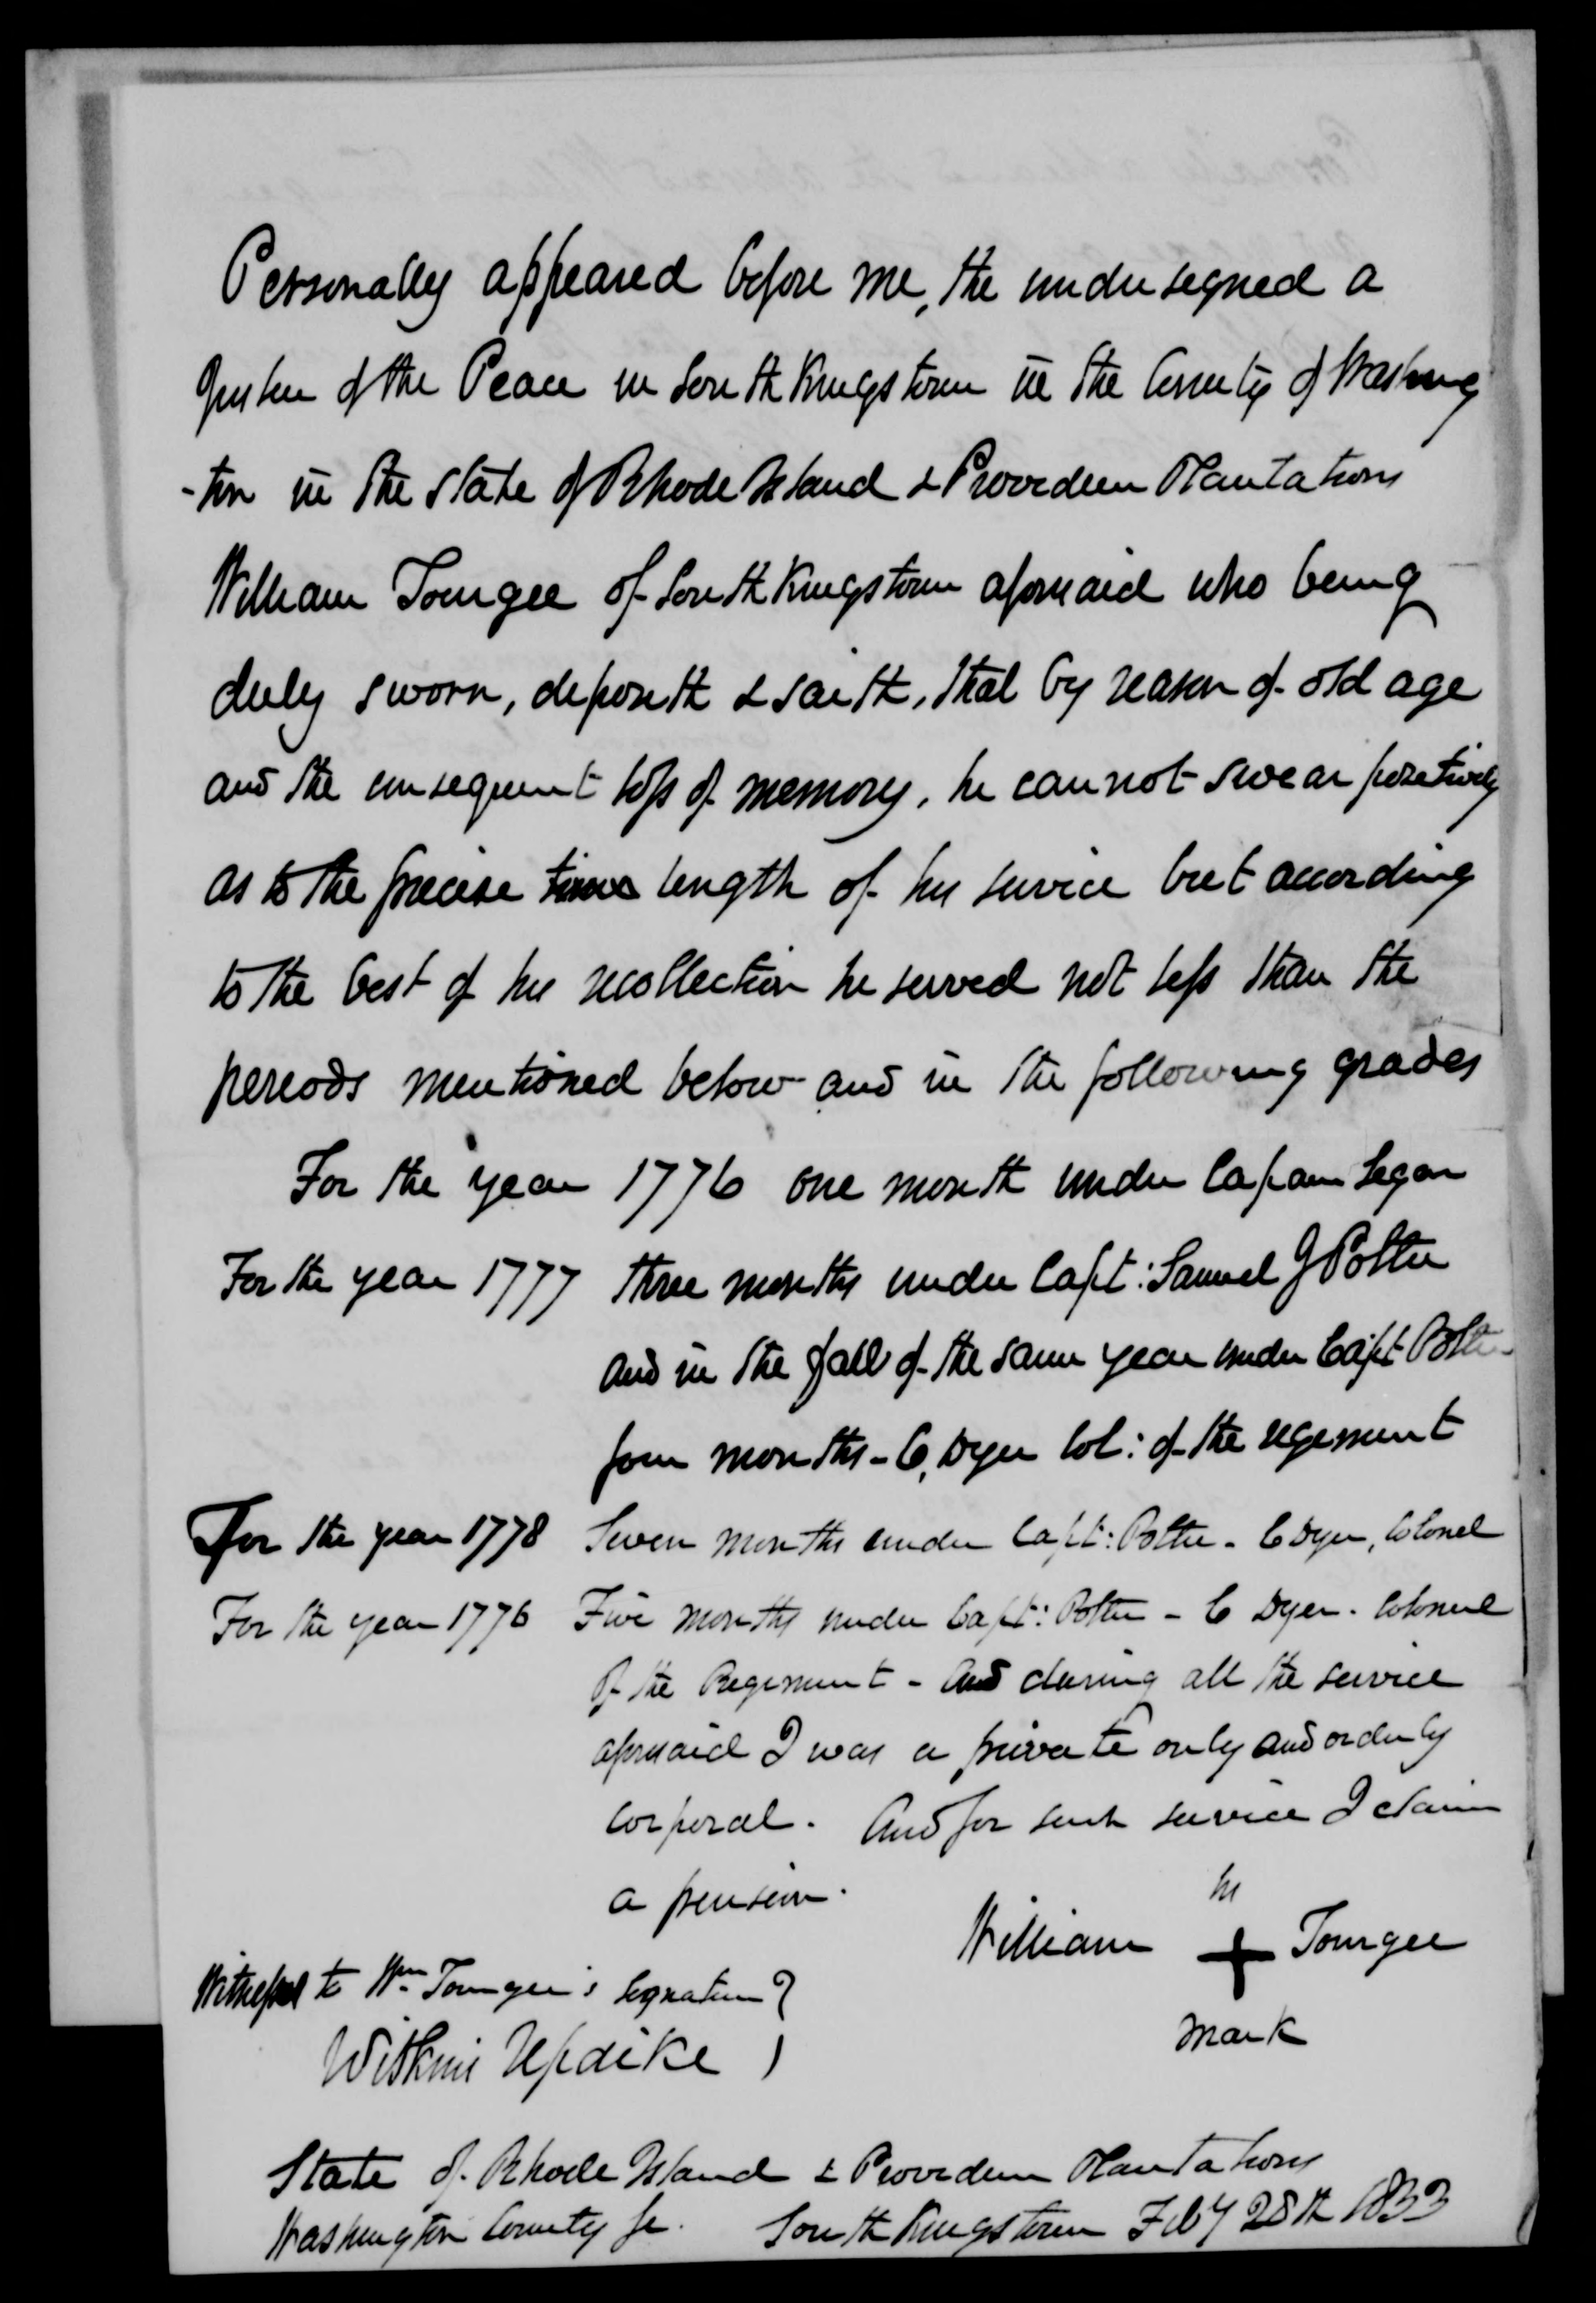Personally appeared before me, the undersigned a Justice of the Peace of South Kingston in the County of Washington in the state of Rhode Island & Providence [illegible] William Tourgee of South Kingston aforesaid who being duly sworn, deposeth & saith, that by reason of old age and the consequent loss of memory, he cannot swear as to the precise length of his service but according to the best of his recollection he served not less than the periods mentioned below and in the following grades.
For the year 1776 on month under Captain Segar.
For the year 1777 three months under Capt. Samuel J Potter and in the fall of the same year under Capt. Potter four months-C Dyer, Col. of the regiment.
For the year 1778 Seven months under Capt. Potter C Dyer Colonel.
For the year 1776 Five months under Capt. Potter-C Dyer Colonel of the Regiment. And during all the service aforesaid I was a private only and orderly Corporal. As for such service I claim a pension.
His Mark X
William Tourgee
Witness to Wm. Tourgee's signature Wilkins Updike
State of Rhode Island & Providence  [illegible] Washington County SS South Kingston, Feby 28th 1833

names: Samuel J Potter, Potter, William Tourgee, Wm Tourgee, Potter, Potter, Wilkins Updike, C Dyer, William Tourgee, C Dyer, C Dyer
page: 11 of 21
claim: survivor's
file: S. 21537, William Tourgee, R.I.